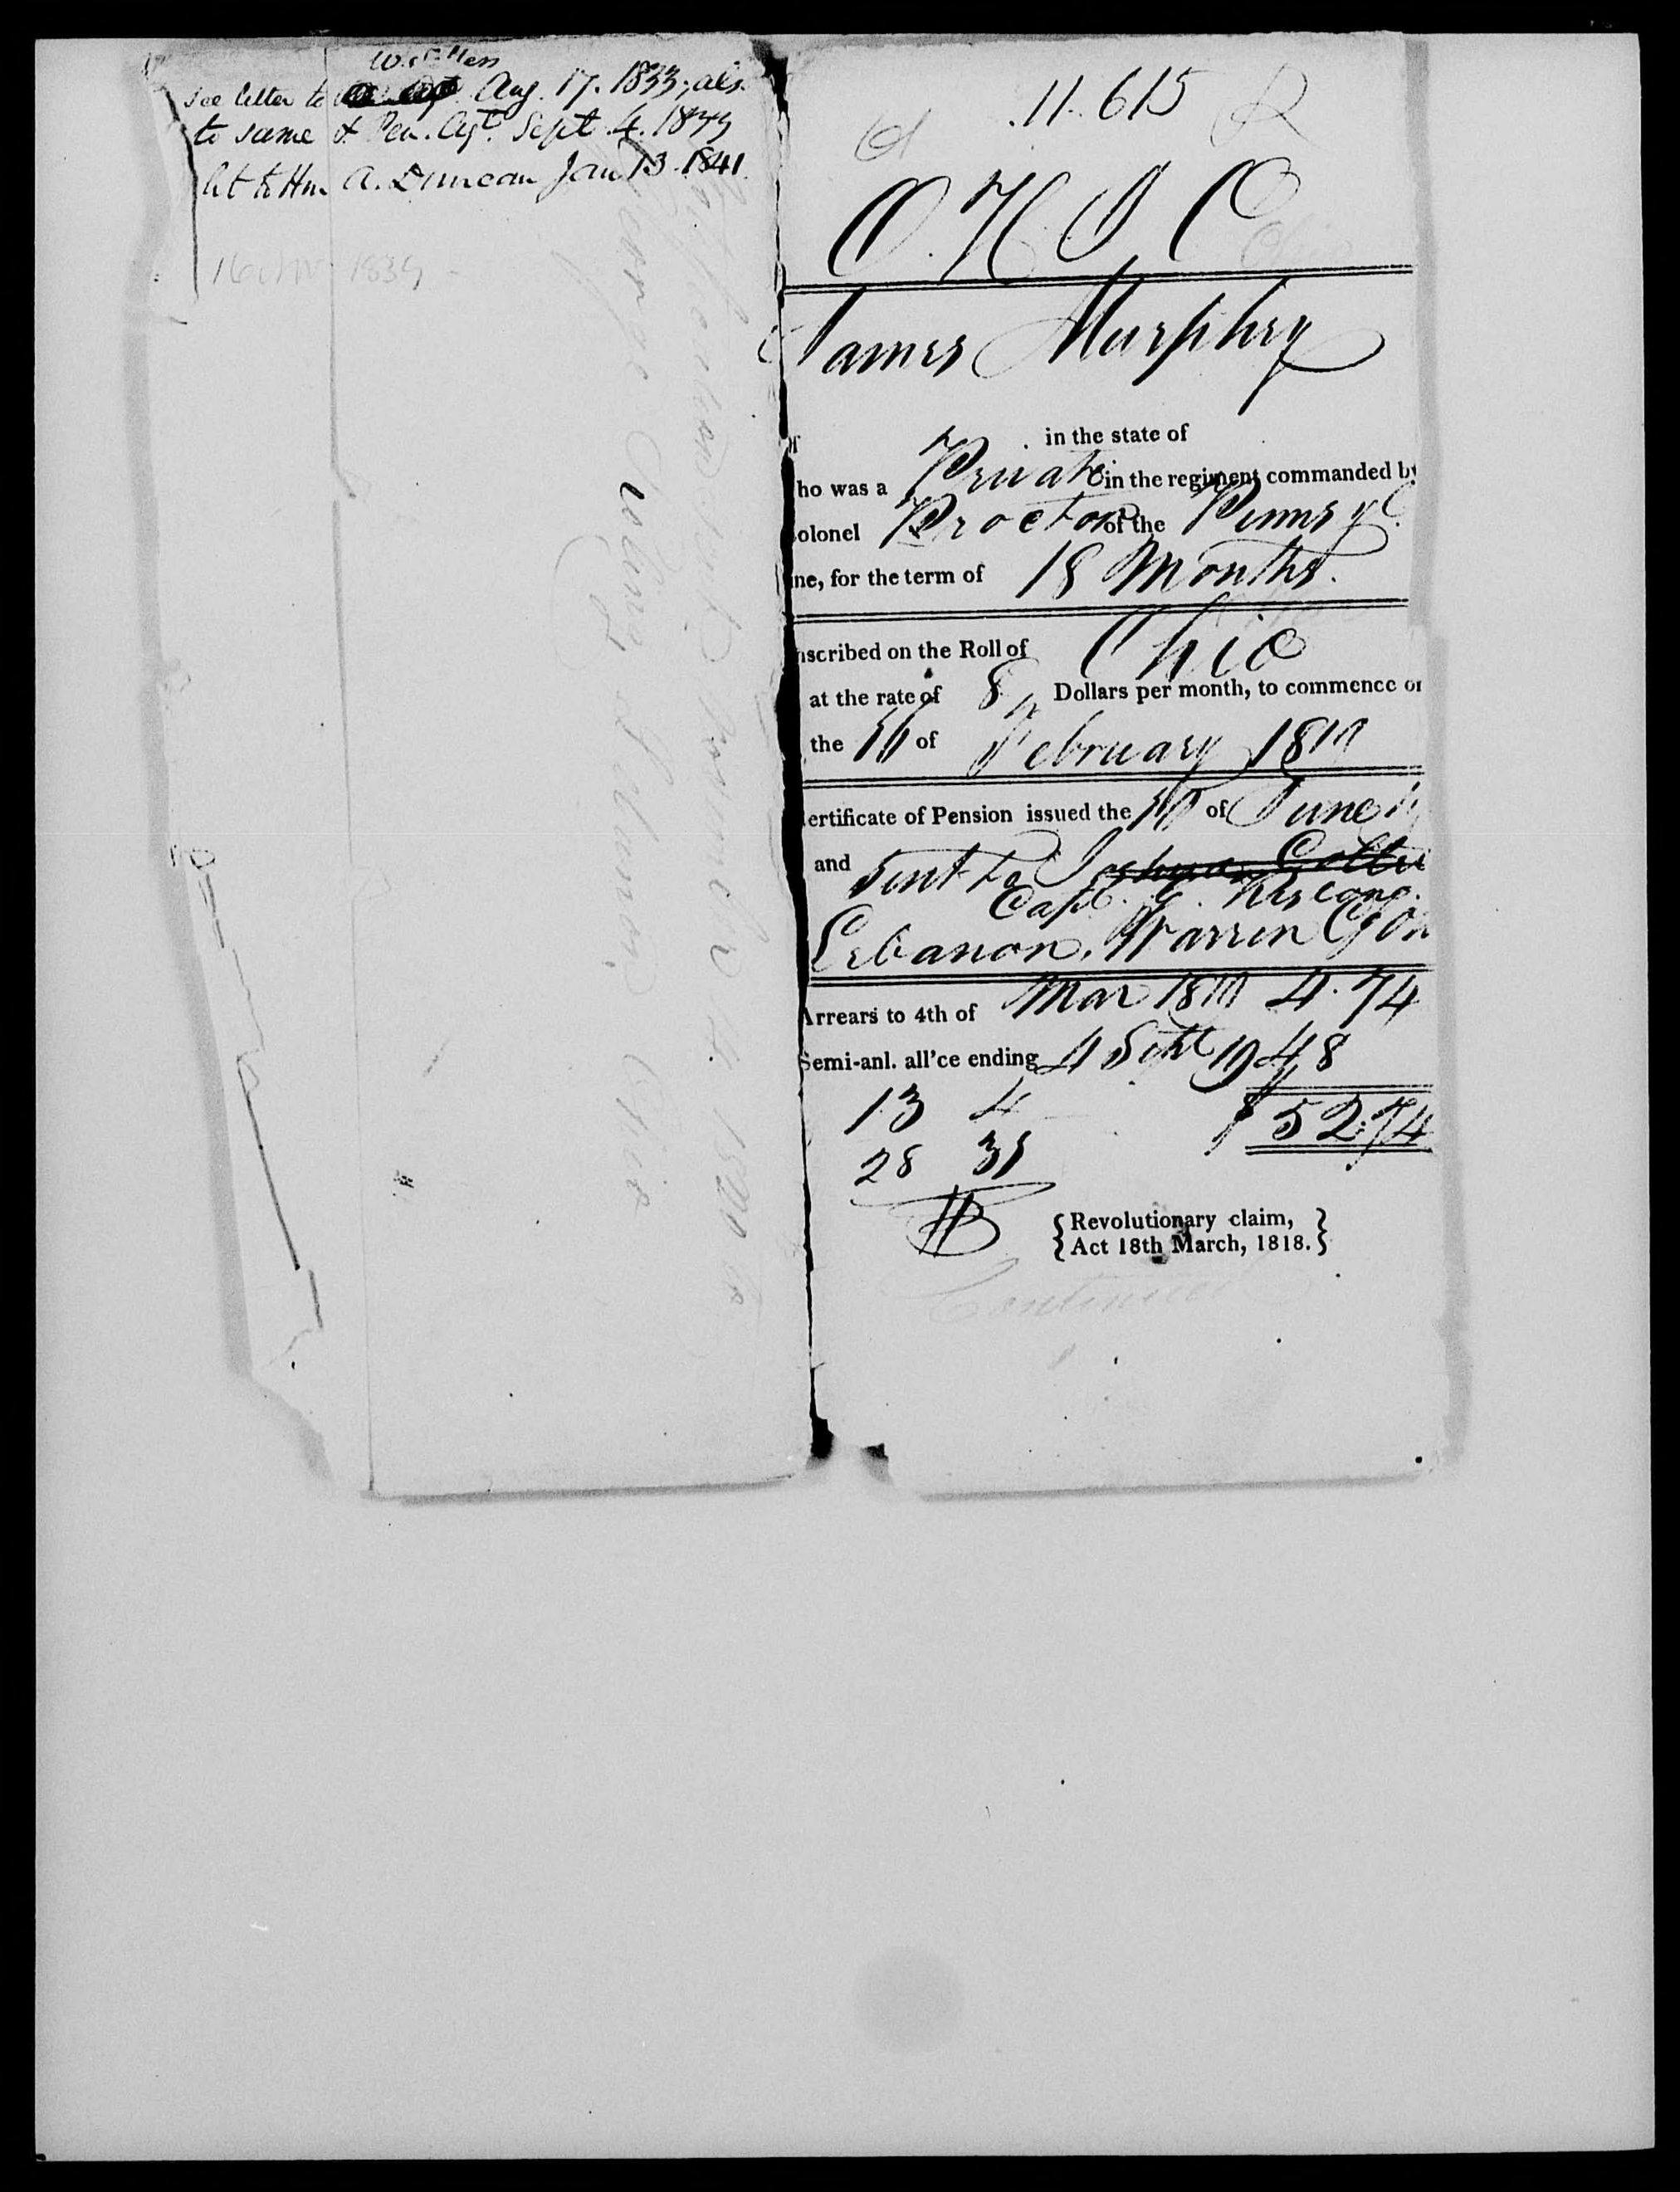[  ] letter to W. [  ] Aug 17 1833; als
to same & Pea Agt Sept 4 1833
let to Hon A. Duncan Jan 13, 1841
16 Nov 1835

Certification sent Novmeber 4 1820 to 
George Kisling Lebanon Ohio

11.165
OHIO Ohio
========
James Murphy
[  ]  70__ in the state of ____
who was a __Private __in the regiment commanded by
Colonel __ Proctor _  of the Pennsyl.
Line, for the term of __ 18 months__
=========
inscribed on the Roll of__ Ohio
at the rate of _ 8 _Dollars per month, to commence on
the 16th of February 1819
==========
Certificate of Pension issued the 10 of June
and sent to {Joshua Colter} Capt G Kislong
Lebanon, Warren Co Ohio
==========
Arrears to 4th ofMar 1811 4.74
Semi-anl, all'ce ending 4 Sept 19    48
$52.74

13    4
28   35

{Revolutionary claim,
Act 18th March, 1818.}
Continental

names: George Kesling; A Duncan; James Murphey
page: 2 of 57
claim: widow's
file: W. 25,739, for James Murphey, Pennsylvania